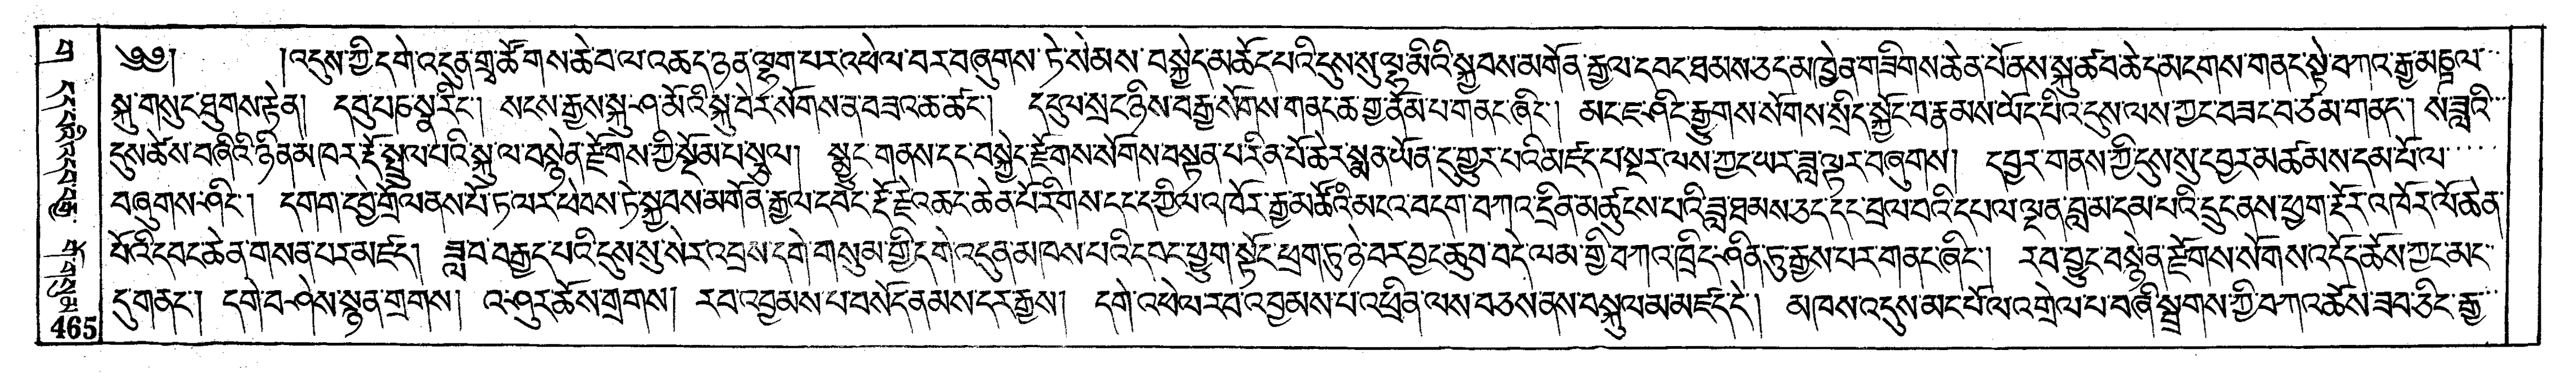༄༅། །འདུས་ཀྱི་དགེ་འདུན་གྲྭ་ཚོགས་ཆེ་བ་ལ་འཆད་ཉན་ལྷག་པར་འཕེལ་བར་བཞུགས་ཏེ་སེམས་བསྐྱེད་མཆོད་པའི་དུས་སུ་ལྷ་མིའི་སྐྱབས་མགོན་རྒྱལ་དབང་ཐམས་ཅད་མཁྱེན་གཟིགས་ཆེན་པོ་ནས་སྐུ་ཚབ་ཆེད་མངགས་གནང་སྟེ་བཀའ་རྒྱ་མཎྜལ།
སྐུ་གསུང་ཐུགས་རྟེན། དབུ་པཎ་སྣེ་རིང་། སངས་རྒྱས་སྐུ་ཤ་མའི་སྐུ་བེར་སོགས་ན་བཟའ་ཆ་ཚང་། དངུལ་སྲང་ཉིས་བརྒྱ་སོགས་གནང་ཆ་གྱ་ནོམ་པ་གནང་ཞིང་། མང་ཇ་ཤིང་རྒྱུགས་སོགས་སྲིད་སྐྱོང་བ་རྣམས་ཡོད་པའི་དུས་ལས་ཀྱང་བཟང་བཙམ་གནང་། ས་ཟླའི་
དུས་ཚེས་བཞིའི་ཉིན་མཁར་རྡོ་སྤྲུལ་པའི་སྐུ་ལ་བསྙེན་རྫོགས་ཀྱི་སྡོམ་པ་སྩལ། སྨྱུང་གནས་དང་བསྐྱེད་རྫོགས་སོགས་བསྟན་པ་རིན་པོ་ཆེར་སྨན་ཡོན་དུ་གྱུར་པའི་མཛད་པ་སྔར་ལས་ཀྱང་ཡར་ཟླ་ལྟར་བཞུགས། དབྱར་གནས་ཀྱི་དུས་སུ་དབྱར་མཚམས་དམ་པོ་ལ་
བཞུགས་ཤིང་། དགག་དབྱེ་གྲོལ་ནས་པོ་ཏ་ལར་ཕེབས་ཏེ་སྐྱབས་མགོན་རྒྱལ་དབང་རྡོ་རྗེ་འཆང་ཆེན་པོ་རིགས་དང་དཀྱིལ་འཁོར་རྒྱ་མཚོའི་མངའ་བདག་བཀའ་དྲིན་མཚུངས་པའི་ཟླ་ཐམས་ཅད་དང་བྲལ་བའི་དཔལ་ལྡན་བླ་མ་དམ་པའི་དྲུང་ནས་ཕྱག་རྡོར་འཁོར་ལོ་ཆེན་
པོའི་དབང་ཆེན་གསན་པར་མཛད། ཟླ་བ་བརྒྱད་པའི་དུས་སུ་སེར་འབྲས་དགེ་གསུམ་གྱི་དགེ་འདུན་མཁས་པའི་དབང་ཕྱུག་སྟོང་ཕྲག་ཏུ་ཉེ་བར་བྱང་ཆུབ་བདེ་ལམ་གྱི་བཀའ་ཁྲིད་ཤིན་ཏུ་རྒྱས་པར་གནང་ཞིང་། རབ་བྱུང་བསྙེན་རྫོགས་སོགས་འདོད་ཆོས་ཀྱང་མང་
དུ་གནང་། དགེ་བཤེས་སྙན་གྲགས། འ་ཤུར་ཆོས་གྲགས། རབ་འབྱམས་པ་བསོད་ནམས་དར་རྒྱས། དགེ་འཕེལ་རབ་འབྱམས་པ་འཕྲིན་ལས་བཅས་ནས་བསྐུལ་མ་མཛད་དེ། མཁས་འདུས་མང་པོ་ལ་འགྲེལ་པ་བཞི་སྦྲགས་ཀྱི་བཀའ་ཆོས་ཟབ་ཅིང་རྒྱ་